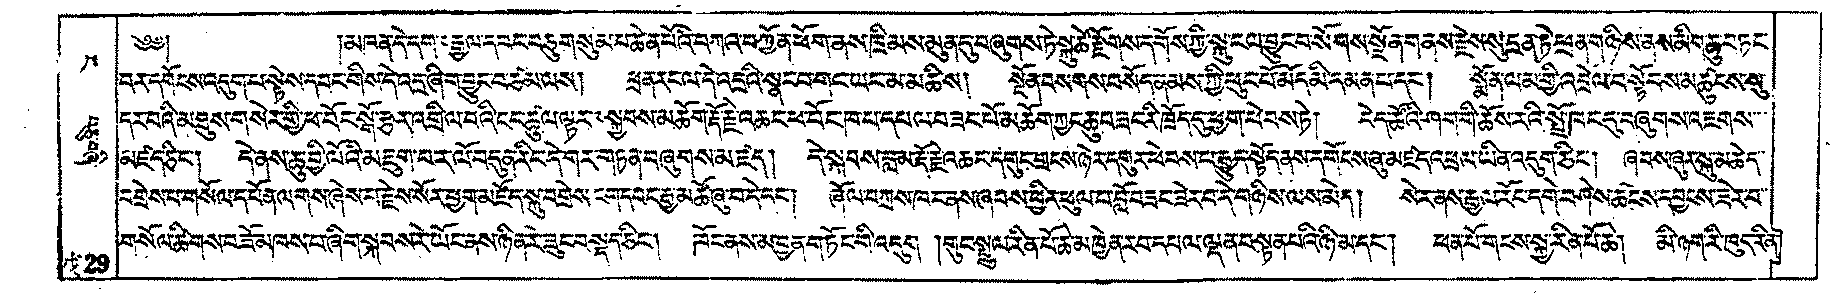༄༅། །མཁན་དེ་དག་༧རྒྱལ་དབང་བཅུ་གསུམ་པ་ཆེན་པོའི་བཀའ་བཀྱོན་ཕོག་ནས་ཁྲིམས་མུན་དུ་བཞུགས་ཏེ་སྐུ་ཚེ་རྫོགས་དགོས་ཀྱི་སྐུ་ངལ་བྱུང་བ་སོགས་སྔོན་གནས་རྗེས་སུ་དྲན་ཏེ་ཕྲན་གཉིས་ནས་མིག་ཆུ་བཏང་
བར་དགོངས་འདུག་པ་སྟེས་དབང་གིས་དེ་འདྲ་ཞིག་བྱུང་བ་ཙམ་ལས། ཕྲན་རང་ལ་དེ་འདྲའི་སྣང་བ་གང་ཡང་མ་མཆིས། སྔོན་བསགས་བསོད་ནམས་ཀྱི་ཕུང་པོ་མེད་མི་དམན་པ་དང་། སྨོན་ལམ་གྱི་འབྲེལ་བ་སྟོབས་མཚུངས་སུ་
དར་བའི་མཐུས་གསེར་གྱི་ཕ་བོང་སྒོ་རྩར་འགྲིལ་བའི་ངང་ཚུལ་ལྟར་༧་སྐྱབས་མཆོག་རྡོ་རྗེ་འཆང་ཕ་བོང་ཁ་པ་དཔལ་བཟང་པོ་མཆོག་ཀྱང་ཆུ་བཟང་རི་ཁྲོད་དུ་ཕྱག་ཕེབས་ཏེ། ངེད་ཚོའི་ཤག་གི་ཆོས་རའི་སྤྲོ་ཁང་དུ་བཞུགས་འཇགས་
མཛད་ཅིང་། དེ་ནས་ཆུ་བྱི་ལོའི་མཇུག་བར་ལོ་བདུན་རིང་དེ་གར་གཏན་བཞུགས་མཛད། དེ་སྐབས་བླ་མ་རྡོ་རྗེ་འཆང་དགུང་གྲངས་ཉེར་དགུར་ཕེབས་པ་རྒྱུད་སྟོད་ནས་དགོངས་ཞུ་མཛད་འཕྲལ་ཡིན་འདུག་ཅིང་། ཞབས་ཞུར་སྐུ་མཆེད་
བགྲེས་པ་གསོལ་དཔོན་ལགས་ཞེས་པ་རྗེས་སོར་ཕྱག་མཛོད་སྐུ་བགྲེས་ངག་དབང་རྒྱ་མཚོ་ཞུ་བ་དེ་དང་། ཞོལ་བཀྲས་ཁང་ནས་ཞབས་ཕྱིར་ཕུལ་བ་བློ་བཟང་ཟེར་བ་དེ་གཉིས་ལས་མེད། སེ་ར་ནས་རྒྱལ་རོང་དགེ་བཤེས་ཚངས་དབྱངས་ཟེར་བ་
གསོལ་ཚིགས་བཟོ་མཁས་པ་ཞིག་སྐབས་རེ་ཡོང་ནས་ཉིན་རེ་ཟུང་བསྡད་ཅིང་། ཁོང་ནས་མ་བྱན་གཏོང་གི་འདུག །གུང་སྤྲུལ་རིན་པོ་ཆེ་མཁྱེན་རབ་དཔལ་ལྡན་བསྟན་པའི་ཉི་མ་དང་། ཕན་པོ་གངས་སྐྱ་རིན་པོ་ཆེ། མི་ཉག་རི་ཁུང་རིན་